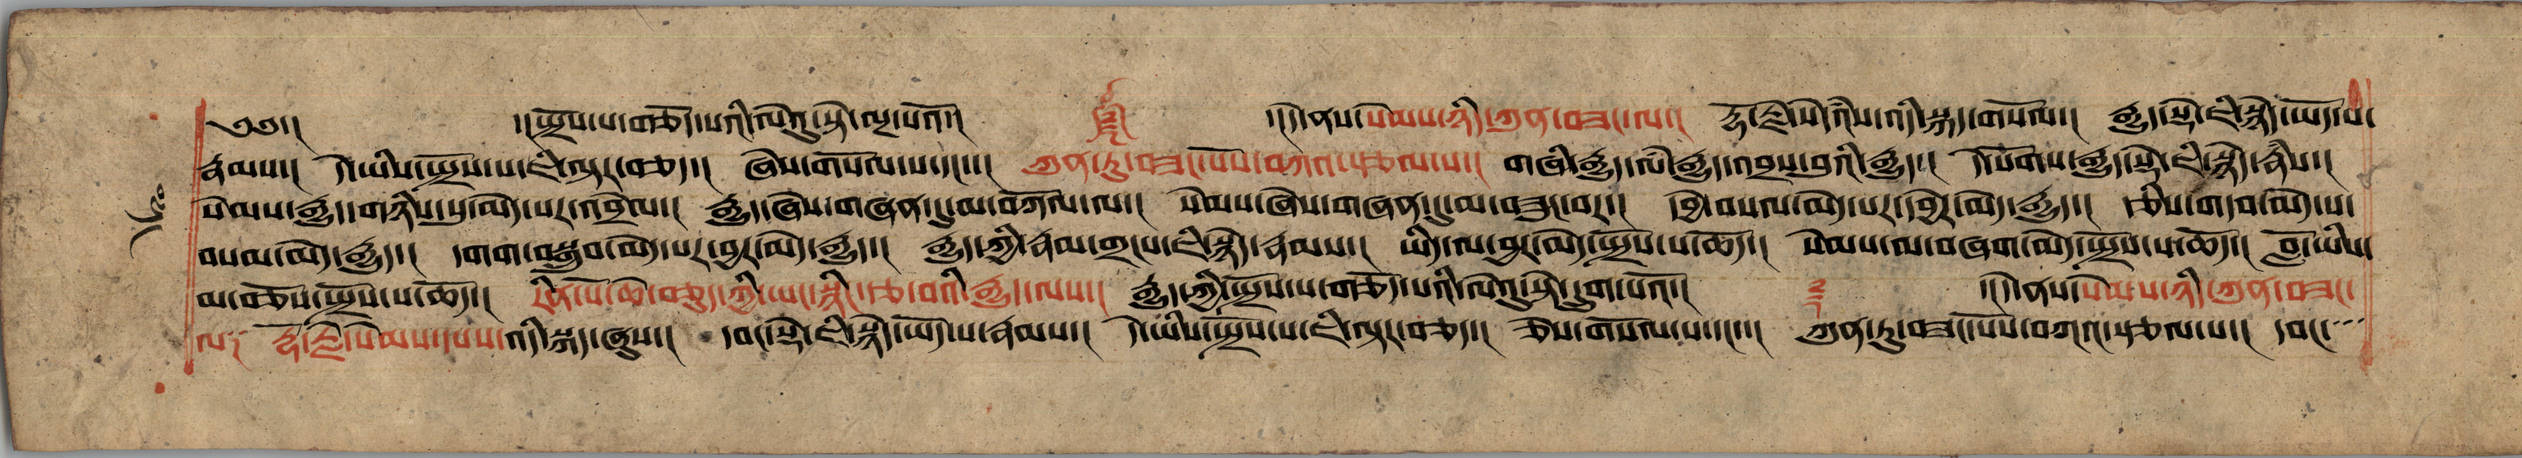༄༅་། ་།སྤྲོས་པ་གཅོད་པའི་ལེའུ་སྟེ་ལྔ་པའོ་། ༼༈༽ ་།དེ་ནས་སེམས་ཉིད་ཀུན་བཟང་ལ་། རྡོ་རྗེ་སེདཾའས་འདི་སྐད་གསོལ་། རྒྱུད་སྡེ་ཇི་སྙེད་ཡོད་པ་
རྣམས་། དེ་ཡིས་སྤྲོས་པ་ཇི་ལྟར་བཅད་། ཞེས་གསོལ་པ་དང་་། ཀུན་ཏུ་བཟང་པོས་བཀའ་སྩལ་པ་། གཞི་རྒྱུད་ལཾ་རྒྱུད་འབྲས་བུའི་རྒྱུད་། དེ་སོགས་རྒྱུད་སྡེ་ཇི་སྙེད་རྣཾས་།
སེམས་རྒྱུད་གཉིས་སུ་མེད་པར་འབྲེལ་། རྒྱུད་ཞེས་གཞན་དུ་མ་བཀོལ་ལ་། སེམས་ཞེས་གཞན་དུ་མ་བཟུང་བར་། དབྱེ་བསལ་མེད་པར་དབྱེར་མེད་རྒྱུད་། རྩིས་གདབ་མེད་པ་
བསམ་མེད་རྒྱུད་་། དགག་བསྒྲུབ་མེད་པར་བྱར་མེད་རྒྱུད་། རྒྱུད་ཀྱི་རྣམ་གྲངས་ཇི་སྙེད་རྣམས་། ཡིད་ལ་བྱར་མེད་སྤྲོས་པ་ཆོད་། སེམས་ལ་བཞག་མེད་སྤྲོས་པ་ཆོད་། བློ་ཡིས་
མ་བཅོས་སྤྲོས་པ་ཆོད་། རིན་པོ་ཆེ་བཅུད་ཀྱི་ཡང་སྙིང་རྩ་བའི་རྒྱུད་ལས་། རྒྱུད་ཀྱི་སྤྲོས་པ་གཅོད་པའི་ལེའུ་སྟེ་དྲུག་པའོ་། ༈ ་།དེ་ནས་སེམས་ཉིད་ཀུན་བཟང་
ལ༑ རྡོ་རྗེ་སེམས་དཔས་འདི་སྐད་ཞུས་། དབང་སྡེ་ཇི་སྙེད་ཡོད་པ་རྣམས་། དེ་ཡིས་སྤྲོས་པ་ཇི་ལྟར་བཅད་། ཅེས་གསོལ་པ་དང་་། ཀུན་ཏུ་བཟང་པོས་བཀའ་སྩལ་པ་། དབང་